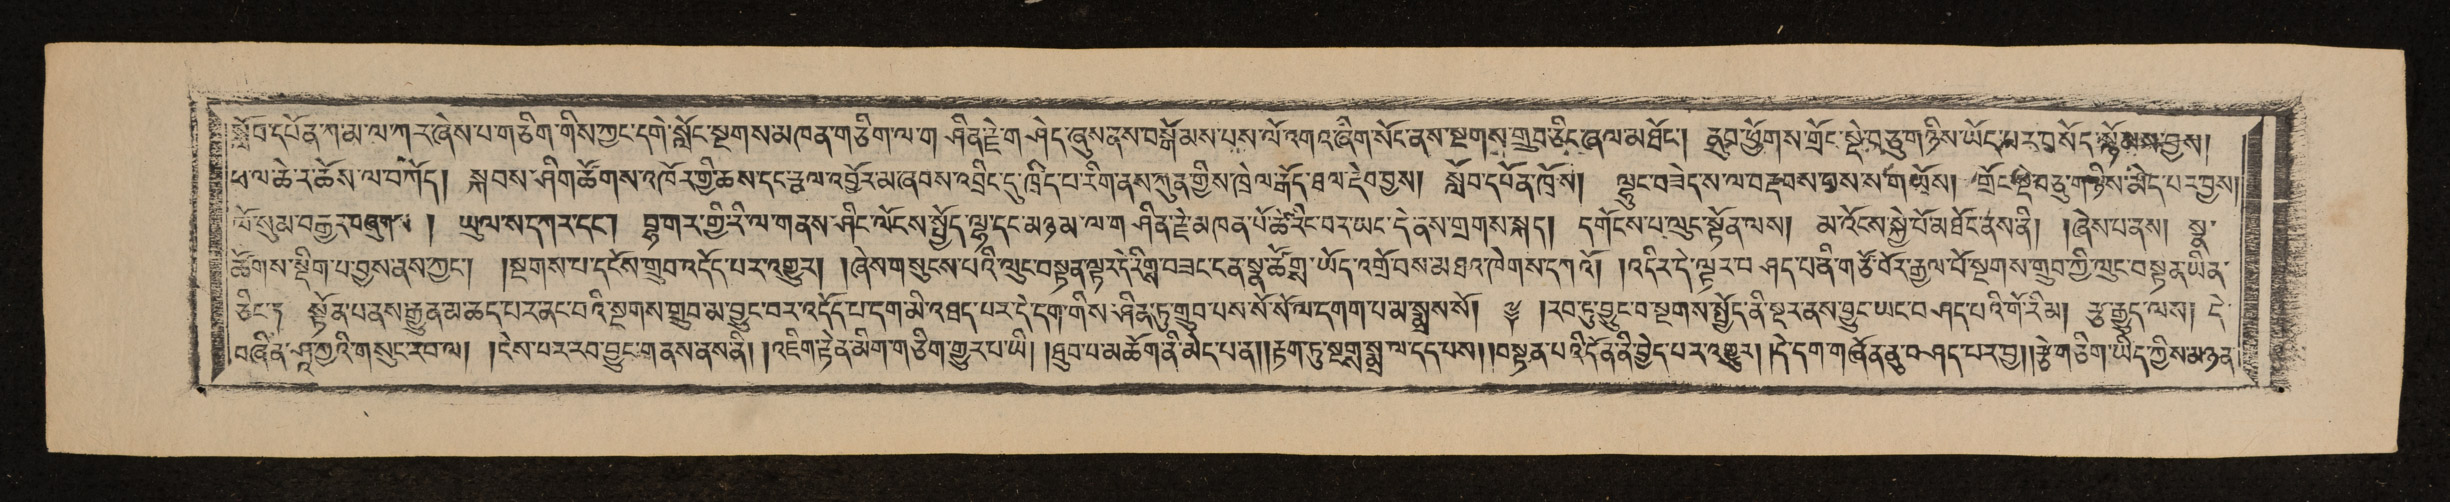སློབ་དཔོན་ཀ་མ་ལ་ཀ་ར་ཞེས་པ་གཅིག་གིས་ཀྱང་དགེ་སློང་སྔགས་མཁན་གཅིག་ལ་གཤིན་རྗེ་གཤེད་ཞུས་ནས་བསྒོམས་པས་ལོ་འགའ་ཞིག་སོང་ནས་སྔགས་གྲུབ་ཅིང་ཞལ་མཐོང་། ནུབ་ཕྱོགས་གྲོང་སྡེ་བཅུ་གཉིས་ཡོད་པར་བསོད་སྙོམས་བྱས།
ཕལ་ཆེར་ཆོས་ལ་བཀོད། སྐབས་ཤིག་ཚོགས་འཁོར་གྱི་ཆས་དང་རྣལ་འབྱོར་མ་ཞབས་འབྲིང་དུ་ཁྲིད་པ་རིག་ནས་ཀུན་གྱིས་ཁྲེལ་རྒོད་ཐལ་རྡེབ་བྱས། སློབ་དཔོན་ཁྲོས། ལྷུང་བཟེད་ས་ལ་བརྡབས་པས་ས་གཡོས། གྲོང་སྡེ་བཅུ་གཉིས་མེད་པར་བྱས།
ལོ་སུམ་བརྐྱར་བཞུགས། ཡུལ་ས་དཀར་དང་། བྷ་གར་གྱི་རི་ལ་གནས་ཤིང་ལོངས་སྤྱོད་ལྷ་དང་མཉམ་ལ་གཤིན་རྗེ་མཁན་པོ་ཚེ་རིང་བར་ཡང་དེ་ནས་གྲགས་སྐད། དགོངས་པ་ལུང་སྟོན་ལས། མ་འོངས་སྐྱེ་བོ་མཐོང་ནས་ནི། །ཞེས་པ་ནས། སྣ་
ཚོགས་སྡིག་བ་བྱས་ནས་ཀྱང་། །སྔགས་པ་དངོས་གྲུབ་འདོད་པར་འགྱུར། །ཞེས་གསུངས་པའི་ལུང་བསྟན་ལྟར་དེ་རིགས་བཟང་ངན་སྣ་ཚོགས་ཡོང་འགྲོ་བས་མཐའ་ཁེགས་དཀའོ། །འདིར་དེ་ལྟར་བཤད་པ་ནི་གཙོ་བོར་རྒྱལ་པོ་སྔགས་གྲུབ་ཀྱི་ལུང་བསྟན་ཡིན་
ཅིང༑ སྟོན་པ་ནས་རྒྱུན་མ་ཆད་པར་ནང་བའི་སྔགས་གྲུབ་མ་བྱུང་བར་འདོད་པ་དག་མི་འཐད་པར་དེ་དག་གིས་ཤིན་ཏུ་གྲུབ་པས་སོ་སོ་ལ་དགག་པ་མ་སྨྲས་སོ། ༈ །རབ་ཏུ་བྱུང་བ་སྔགས་སྤྱོད་ནི་སྔར་ནས་བྱུང་ཡང་བཤད་པའི་གོ་རིམ། རྩ་རྒྱུད་ལས། དེ་
བཞིན་ཤཱཀྱའི་གསུང་རབ་ལ། །ངེས་པར་རབ་བྱུང་གནས་ནས་ནི། །འཇིག་རྟེན་མིག་གཅིག་གྱུར་པ་ཡི། །ཐུབ་པ་མཆོག་ནི་མེད་པ་ན། །རྟག་ཏུ་སྔགས་སྨྲ་ལ་དད་པས། །བསྟན་པའི་དོན་ནི་བྱེད་པར་འགྱུར། །དེ་དག་གཞོན་ནུ་བཤད་པར་བྱ། །རྩེ་གཅིག་ཡིད་ཀྱིས་མཉན་